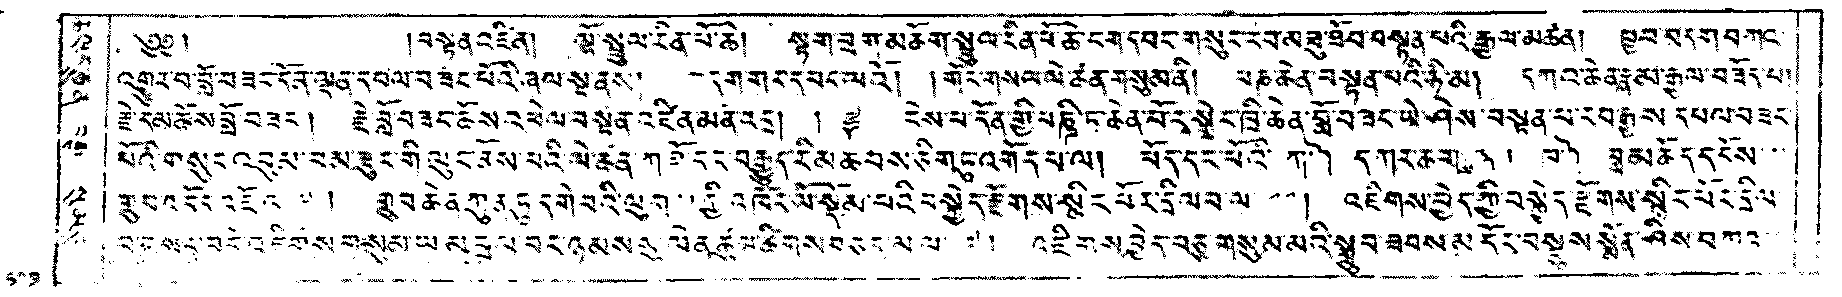༄༅། །བསྟན་འཛིན། ལྷོ་སྤྲུལ་རིན་པོ་ཆེ། སྟག་བྲག་མཆོག་སྤྲུལ་རིན་པོ་ཆེ་ངག་དབང་གསུང་རབ་མཐུ་ཐོབ་བསྟན་པའི་རྒྱལ་མཚན། ཁྱབ་བདག་བཀའ་
འགྱུར་བ་བློ་བཟང་དོན་ལྡན་དཔལ་བཟང་པོའི་ཞལ་སྔ་ནས། བདག་གར་དབང་ལའོ། །གོང་གསལ་ལེ་ཚན་གསུམ་ནི། པཎ་ཆེན་བསྟན་པའི་ཉི་མ། དཀའ་ཆེན་རྣམ་རྒྱལ་བཟོད་པ།
རྗེ་དམ་ཆོས་བློ་བཟང་། རྗེ་བློ་བཟང་ཆོས་འཕེལ་བསྟན་འཛིན་མན་འདྲ། ། ༈ ངེས་པ་དོན་གྱི་པཎྜི་ཏ་ཆེན་པོ་རྭ་སྒྲེང་ཁྲི་ཆེན་བློ་བཟང་ཡེ་ཤེས་བསྟན་པ་རབ་རྒྱས་དཔལ་བཟང་
པོའི་གསུང་འབུམ་བམ་ཟུང་གི་ལུང་ནོས་པའི་ལེ་ཚན་ཀ་ཐོ་དང་བརྒྱུད་རིམ་ཆབས་ཅིག་ཏུ་འགོད་པ་ལ། པོད་དང་པོའི་ཀ྄་དཀར་ཆག་ལ ༣། ཁ྄་བླ་མཆོད་དངོས་
གྲུབ་འདོད་འཇོ་ལ ༧། གྲུབ་ཆེན་ཀུན་ཏུ་དགེ་བའི་ལུགས་ཀྱི་འཁོར་ལོ་སྡོམ་པའི་བསྐྱེད་རྫོགས་སྙིང་པོར་དྲིལ་བ་ལ ༡༡། འཇིགས་བྱེད་ཀྱི་བསྐྱེད་རྫོགས་སྙིང་པོར་དྲིལ་
བ་གསང་བདེ་འཇིགས་གསུམ་ཡ་མ་བྲལ་བར་ཉམས་སུ་ལེན་ཚུལ་ཚིགས་བཅད་མ་ལ ༧། འཇིགས་བྱེད་བཅུ་གསུམ་མའི་སྒྲུབ་ཐབས་མདོར་བསྡུས་སྨོན་ཤིས་བཀའ་